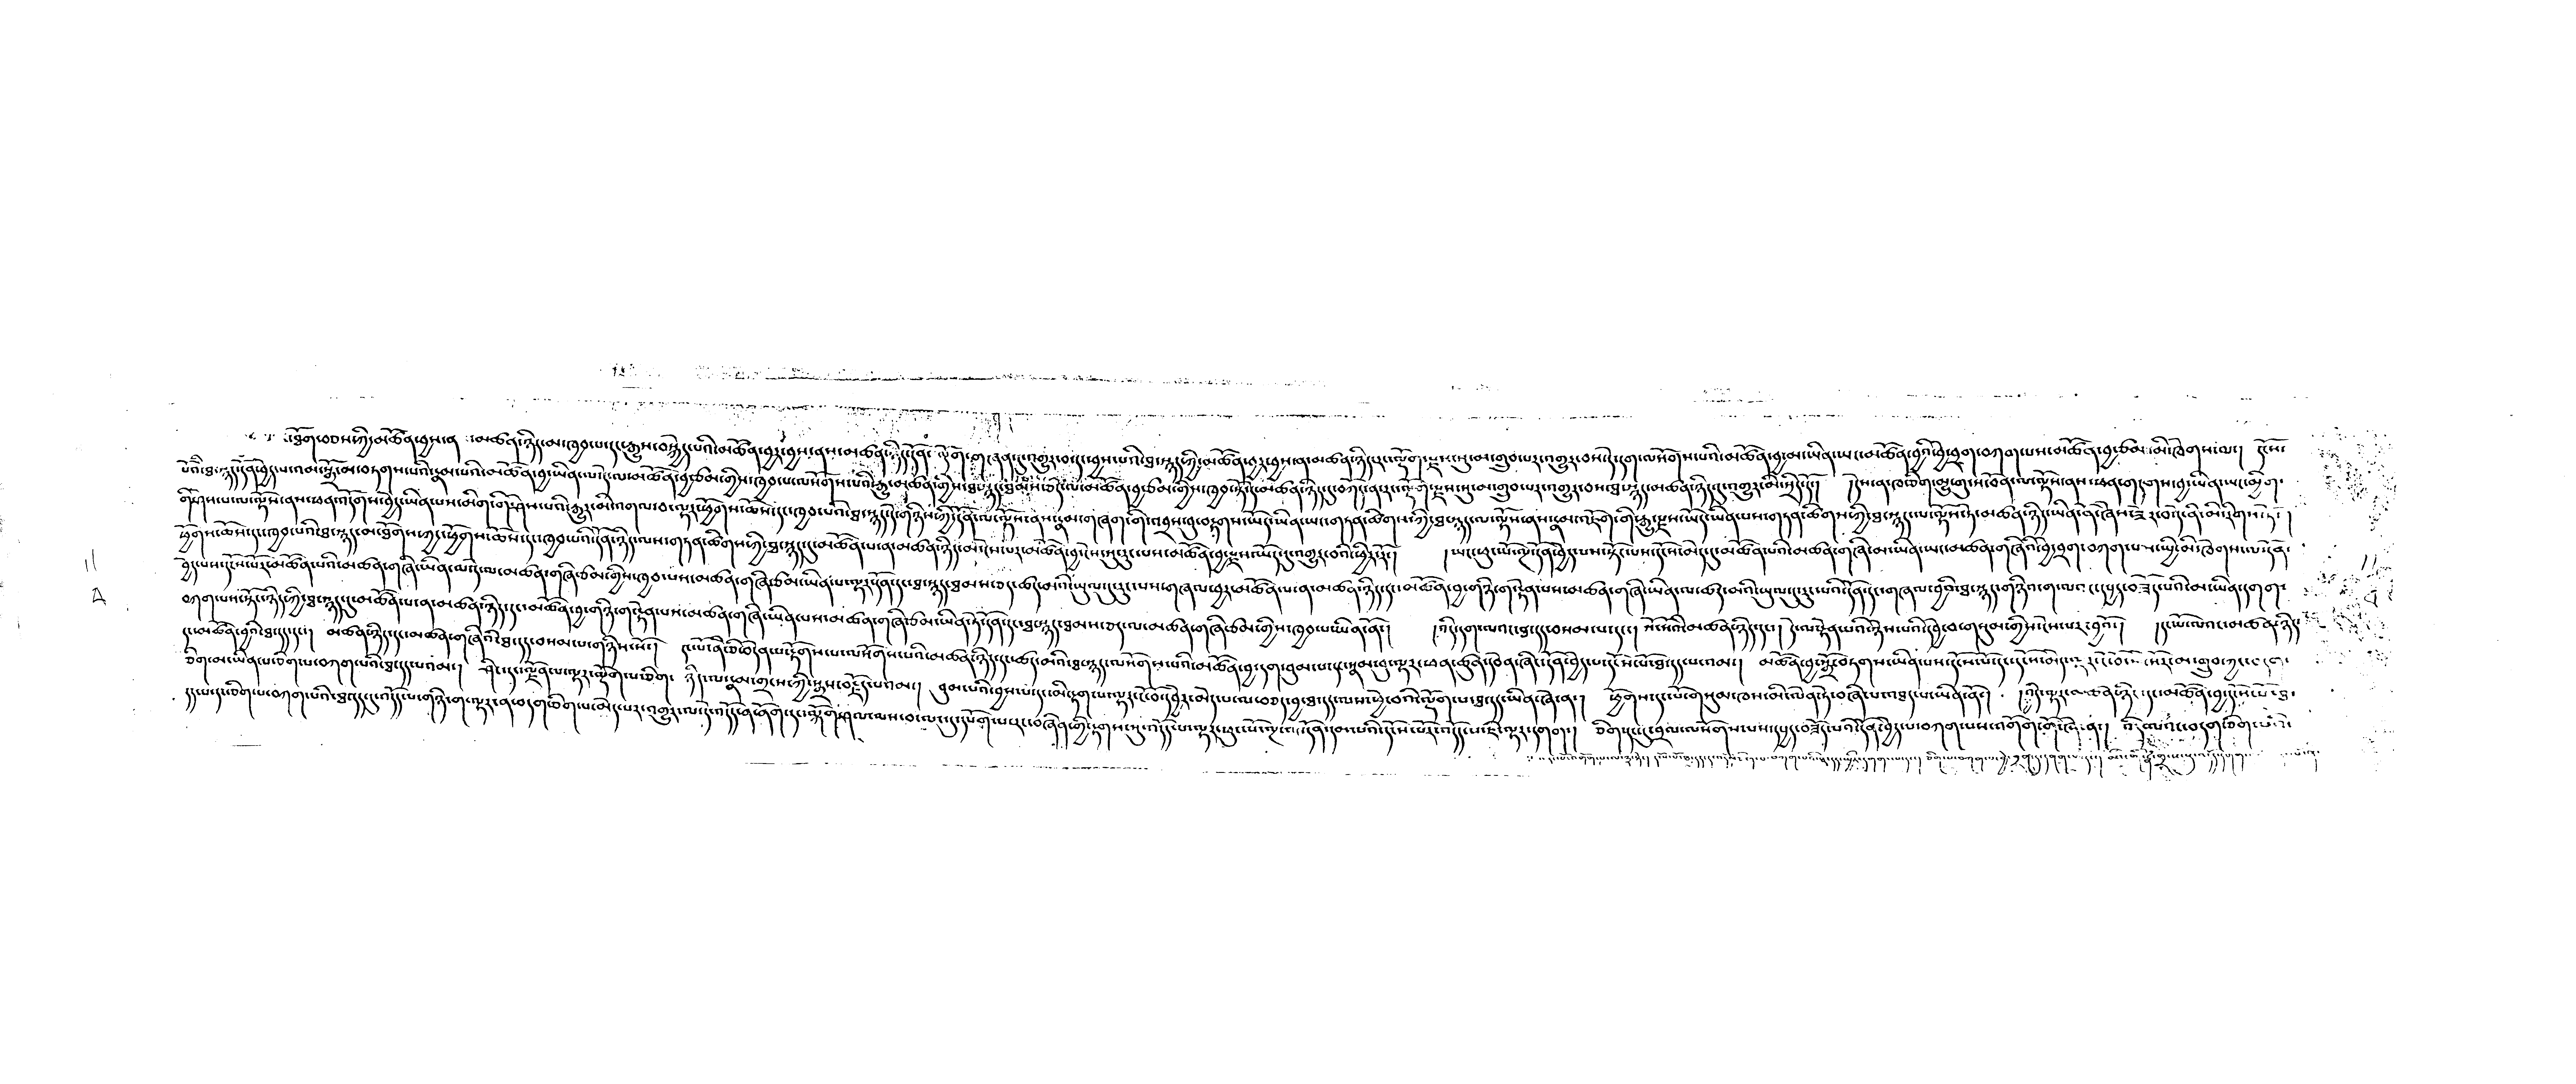ཐོག་བཅས་ཀྱི་མཚོན་བྱས་ནས་མཚན་ཉིད་མ་ཁྱབ་པ་དང་རྒྱུས་བསྐྱེད་པའི་མཚོན་བྱར་བྱས་ནས་མཚན་ཉིད་དོན་ལྡོག་གཞན་དུ་འགྱུར་བ་དང་བྱས་པའི་ཐ་སྙད་ཀྱི་མཚོན་བྱར་བྱས་ན་མཚན་ཉིད་རང་ལྡོག་རྫས་སུ་མ་གྲུབ་པར་འགྱུར་བས་དེ་དག་ལ་སོགས་པའི་མཚོན་བྱ་མ་ཡིན་ཡང་མཚོན་བྱའི་བྱེ་བྲག་བཀག་པས་མཚོན་བྱ་ཙམ་མི་ཁེགས་ལ། དངོས་
པོའི་ཐ་སྙད་དོན་བྱེད་པ་འམ་སྒྲོ་མ་བཏགས་པའི་རྣམ་པའི་མཚོན་བྱ་ཡིན་པ་དེ་ལ་མཚོན་བྱ་ཙམ་གྱིས་ཁྱབ་པ་ལ་སོགས་པའི་རྒྱུ་མཚན་གྱིས་ཐ་སྙད་ཐམས་ཅད་ལ་མཚོན་བྱ་ཙམ་གྱིས་ཁྱབ་སྟེ་དེ་མཚན་ཉིད་དུ་བཀོད་ན་རང་ལྡོག་རྫས་སུ་མ་གྲུབ་པར་འགྱུར་བས་ཐ་སྙད་མཚན་ཉིད་དུ་འགྱུར་མི་སྲིད་དོ། །དེས་ན་ཁ་ཅིག་མྱུ་གུ་ས་བོན་ལ་ལྟོས་ནས་ཕན་གདགས་བྱ་ཡིན་ཡང་མྱིག་
གི་ཤེས་པ་ལ་ལྟོས་ནས་ཕན་འདོགས་བྱེད་ཡིན་པས་མིག་གི་ཤེས་པའི་རྒྱུར་མི་འགལ་བ་ལྟར་ཕྱོགས་ཆོས་དང་ཁྱབ་པའི་ཐ་སྙད་དེ་གཉིས་ཀྱི་དོན་ལ་ལྟོས་ནས་རྣམ་གཞག་གི་འབྲས་བུ་བརྟགས་ཡོད་ཡིན་ཡང་གཏན་ཚིགས་ཀྱི་ཐ་སྙད་ལ་ལྟོས་ནས་རྣམ་འཇོག་གི་རྒྱུ་རྫས་ཡོད་ཡིན་པས་གཏན་ཚིགས་ཀྱི་ཐ་སྙད་པ་ལྟོས་ཏེ་མཚན་ཉིད་ཡིན་ནོ་ཞེས་ཟེར་བ་དེ་ནི་མི་རིགས་ཏོ།
ཕྱོགས་ཆོས་དང་ཁྱབ་པའི་ཐ་སྙད་མ་ཐོགས་ཀྱང་ཕྱོགས་ཆོས་དང་ཁྱབ་པའི་དོན་ཉིད་ལས་གཏན་ཚིགས་ཀྱི་ཐ་སྙད་དུ་མཚོན་པ་ན་མཚན་ཉིད་མ་ངེས་པར་མཚོན་བྱ་ངེས་སུ་རུང་པས་མཚོན་བྱ་རྫས་ཡོད་དུ་འགྱུར་བའི་ཕྱིར་རོ། །ཡང་ཕུང་པོ་ལྔ་དོན་བྱེད་པས་སྟོང་པས་དངོས་མེད་དུ་མཚོན་པའི་མཚན་གཞི་མ་ཡིན་ཡང་མཚན་གཞིའི་བྱེ་བྲག་བཀག་པས་སྤྱི་མི་ཁེགས་ལ་དོན་
བྱེད་པས་དངོས་པོར་མཚོན་པའི་མཚན་གཞི་ཡིན་མ་དེ་མ་མཚན་གཞི་ཙམ་གྱིས་ཁྱབ་པས་མཚན་གཞི་ཙམ་ཡིན་པ་ལྟར་དོན་དང་ཐ་སྙད་ཐམས་ཅད་ཚད་མའི་ཡུལ་དུ་རུང་པས་གཞལ་བྱར་མཚོན་པ་ན་མཚན་ཉིད་དང་མཚོན་བྱ་གཉི་ག་རྟེན་པས་མཚན་གཞི་ཡིན་ལ་ཚད་མའི་ཡུལ་དུ་རུང་པའི་དོན་དང་གཞལ་བྱའི་ཐ་སྙད་གཉིས་ག་ལའང་དཔྱད་བཟོད་པའི་མ་ཡིན་དགག་
བཀག་པས་སྟོང་ཉིད་ཀྱི་ཐ་སྙད་དུ་མཚོན་པ་ན་མཚན་ཉིད་དང་མཚོན་བྱ་གཉི་ག་རྟེན་པས་མཚན་གཞི་ཡིན་པས་མཚན་གཞི་ཙམ་ཡིན་ཏེ་དོན་དང་ཐ་སྙད་ཐམས་ཅད་ལ་མཚན་གཞི་ཙམ་གྱིས་ཁྱབ་པ་ཡིན་ནོ། །འདི་དག་ལའང་ཐ་དད་བསམ་པ་དང་། སོ་སོའི་མཚན་ཉིད་དང་། དེ་ལ་རྟེན་པའི་ཉེས་པའི་དབྱེ་བ་གསུམ་གྱིས་ངེས་པར་བྱའོ། །དང་པོ་ལའང་མཚན་ཉིད་
དང་མཚོན་བྱའི་ཐ་དད་དང་། མཚན་ཉིད་དང་མཚན་གཞིའི་ཐ་དད་བསམ་པ་གཉིས་སོ། དང་པོ་ནི་ཅི་བདེན་པ་རྟོགས་པ་ལ་སོགས་པའི་མཚན་ཉིད་དང་ཚད་མའི་ཐ་སྙད་ལ་སོགས་པའི་མཚོན་བྱ་དག་བུམ་པ་དང་སྣམ་བུ་ལྟར་ཕན་ཚུན་དབེན་ཞིང་དོན་བྱེད་པ་དངོས་པོ་ཐ་དད་པ་འམ། མཚོན་བྱ་སྒྲོ་བཏགས་ཡིན་པས་དངོས་པོ་དང་དངོས་མེད་ལྟར་ངོ་བོ་སོ་སོར་མ་གྲུབ་ཀྱང་བདག་
ཅིག་མ་ཡིན་པ་ཅིག་པ་བཀག་པའི་ཐ་དད་པའམ། ཤི་དང་ལྗོན་པ་ལྟར་ལྡོག་པ་ཅིག །ཉིད་ལ་རྣམ་གྲངས་ཀྱི་སྒྲས་བརྗོད་པའམ། བུམ་པའི་བྱས་པ་དང་མི་རྟག་པ་ལྟར་ངོ་བོ་དབྱེར་མེད་པ་ལ་བཅད་བྱ་ཐ་དད་ལས་ཕྱེ་བའི་ལྡོག་པ་ཐ་དད་ཡིན་ཞེ་ན། ཕྱོགས་དང་པོ་གསུམ་ཁས་མི་ལེན་ཏེ་བཞི་པ་འཐད་པ་ཡིན་ནོ། །འདི་ལྟར་མཚན་ཉིད་དང་མཚོན་བྱ་དངོས་པོ་ཐ་
དད་པ་དང་ཅིག་པ་བཀག་པའི་ཐ་དད་དུ་འདོད་པ་གཉི་ག་ལྟར་ན་བདག་ཅིག་པ་མེད་པར་འགྱུར་ལ་དེ་འདོད་ན་ནོག་དང་ལྐོག་ཤལ་མས་བ་ལ་དུ་དཔོག་པ་རང་བཞིན་གྱི་རྟགས་སུ་འདོད་པ་ལྟར་ཕུང་པོ་ལྔ་འང་དོན་དམ་པའི་དངོས་པོར་འདོད་པ་ཇི་ལྟར་དགག། ཅིག་དང་དུ་བྲལ་ལ་སོགས་པས་དཔྱད་བཟོད་པའི་དོན་བྱེད་པ་བཀག་པས་འགོག་གོ་ཞེ་ན། འདི་ལའང་བདག་ཅིག་པའི་